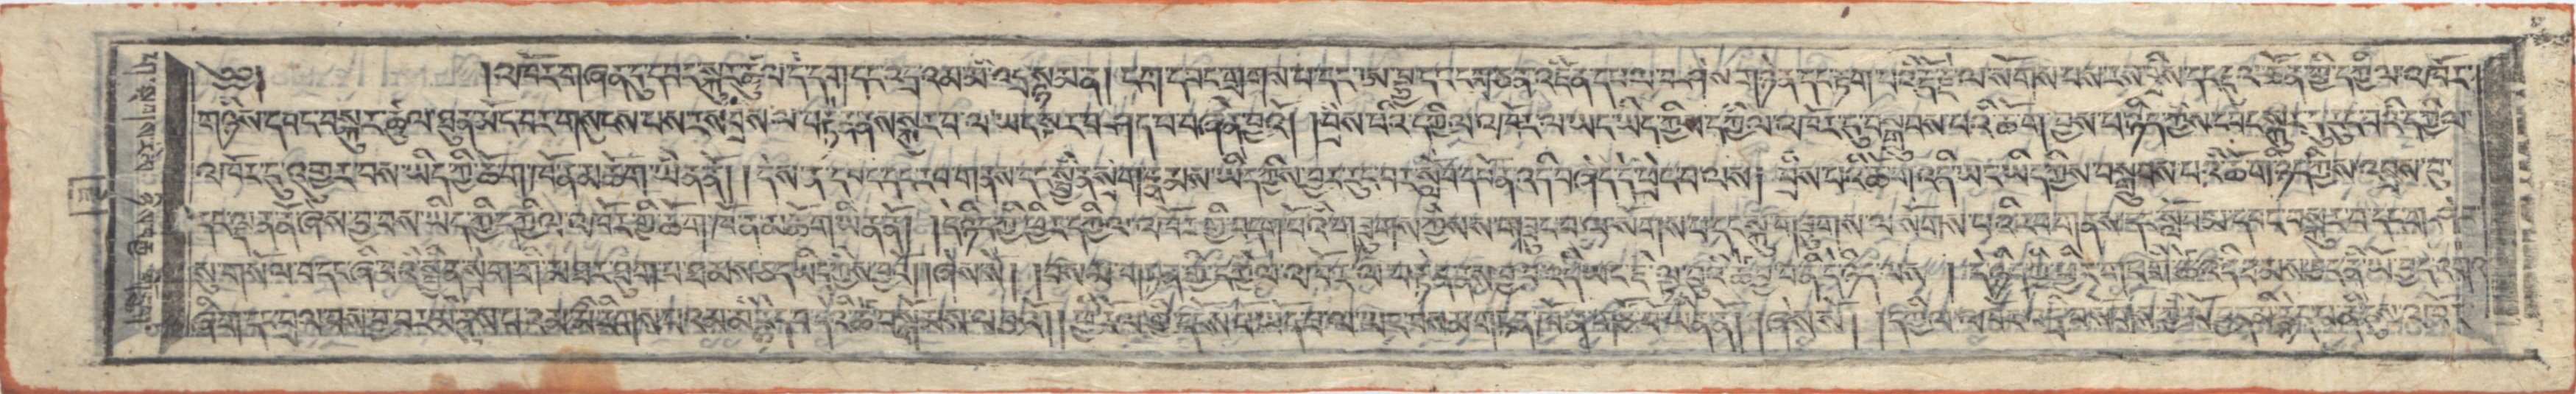༄༅། །འཁོར་གཞན་དུ་དབང་སྐུར་ཚུལ་དེ་དག་དང་འདྲ་འམ་མི་འདྲ་སྙམ་ན། ངག་དབང་གྲགས་པ་དང་ཨ་བྷྱ་དང་དགྲ་ཅན་འཛིན་དཔལ་བཤེས་གཉེན་དང་རྟག་པའི་རྡོ་རྗེ་ལ་སོགས་པས་རས་བྲིས་དང་རྡུལ་ཚོན་གྱི་དཀྱིལ་འཁོར་
གཉིས་དབང་བསྐུར་ཚུལ་ཐུན་མོང་བར་གསུངས་པས་རས་བྲིས་ལ་བརྟེན་ནས་སྐུར་བ་ལ་ཡང་སྔར་བཤད་པ་བཞིན་བྱའོ། །བྲིས་པའི་དཀྱིལ་འཁོར་ལ་ཡང་ཡིད་ཀྱིས་དཀྱིལ་འཁོར་དུ་བསྒྲུབས་པའི་ཆོ་ག་བྱས་པ་ཉིད་ཀྱིས་དབང་སྐུར་དུ་རུང་བའི་དཀྱིལ་
འཁོར་དུ་འགྱུར་བས་ཡིད་ཀྱི་ཆོ་ག་ཁོ་ན་མཆོག་ཡིན་ནོ། །དེས་ན་དབང་དང་རབ་གནས་དང་སྦྱིན་སྲེག་རྣམས་ཡིད་ཀྱིས་བྱར་རུང་བར་སློབ་དཔོན་འདི་བཞེད་དེ་ཕྲེང་བ་ལས། བྲིས་པའི་ཆོ་ག་འདི་ཡང་ཡིད་ཀྱིས་བསྒྲུབས་པའི་ཆོ་ག་ཉིད་ཀྱིས་འབྲས་བུ་
དང་ལྡན་ནོ་ཞེས་བྱ་བས་ཡིད་ཀྱི་དཀྱིལ་འཁོར་གྱི་ཆོ་ག་ཁོ་ན་མཆོག་ཡིན་ནོ། །དེ་ཉིད་ཀྱི་ཕྱིར་དཀྱིལ་འཁོར་གྱི་བདག་པོའི་གཟུགས་ཀྱིས་ས་གཟུང་བ་ལ་སོགས་པ་དང་སྐུ་གཟུགས་ལ་སོགས་པའི་རབ་གནས་དང་སློབ་མ་དབང་བསྐུར་བ་དང་གཤེཌ་
སུ་གསོལ་བ་དང་ཞི་བའི་སྦྱིན་སྲེག་གི་མཐར་ཐུག་པ་ཐམས་ཅད་ཡིད་ཀྱིས་བྱའོ། །ཞེས་སོ། །བསམ་གཏན་གྱི་དཀྱིལ་འཁོར་ལ་བརྟེན་ནས་བྱ་བ་འདི་ཡང་ཇི་ལྟ་བུའི་ཚེ་བྱ་བ་ནི་དེ་ཉིད་ལས། དེ་ཉིད་ཀྱི་ཕྱིར་གང་གི་ཚེ་འདི་ཐམས་ཅད་ནི་ཡོ་བྱད་འགའ་
ཞིག་དང་བྲལ་བས་བྱ་བར་མི་ནུས་པའམ་མི་རིགས་པའམ་མི་རྙེད་པ་དེའི་ཚེ་བསྒོམས་ལ་བྱའོ། །ཕྱི་རོལ་གྱི་དངོས་པོ་ཡོད་པ་ལ་ཡང་བསམ་གཏན་ཁོ་ན་གཙོ་བོ་ཡིན་ནོ། །ཞེས་སོ། །དཀྱིལ་འཁོར་འདྲི་བ་སོགས་ཀྱི་ཡོ་བྱད་མི་རྙེད་པ་ནི་དུས་འཁོར་